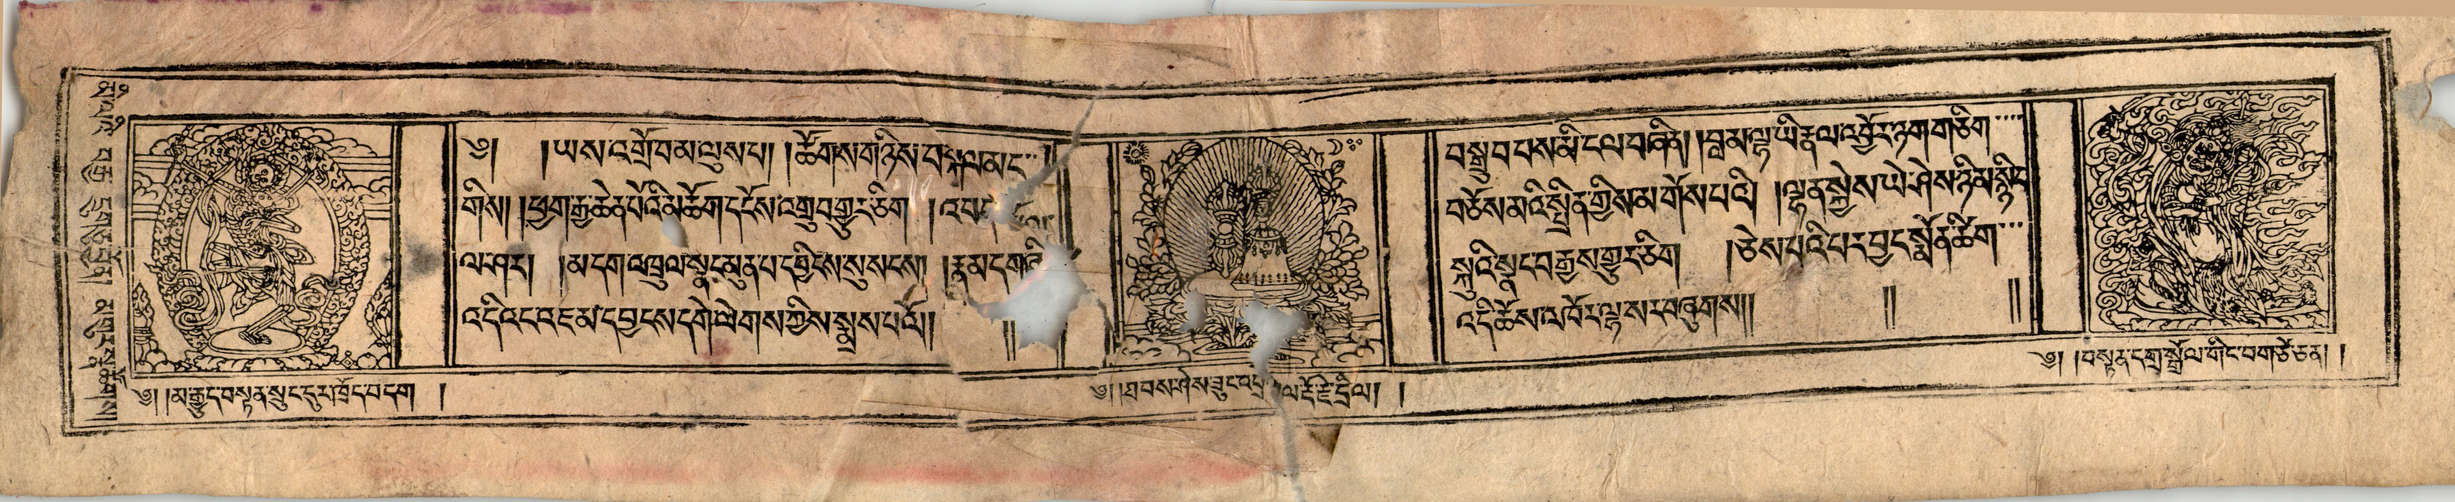ཡས་འགྲོ་བ་མ་ལུས་པ། །ཚོགས་གཉིས་བསྐལ་མང་བསྒྲུབ་པས་མི་ངལ་བཞིན། །བླ་མ་ལྷ་ཡི་རྣལ་འབྱོར་ཉག་གཅིག་
གིས། །ཕྱག་རྒྱ་ཆེན་པོའི་མཆོག་དངོས་འགྲུབ་གྱུར་ཅིག །འབད་རྩོལ་བཅོས་མའི་སྤྲིན་གྱིས་མ་གོས་པའི། །ལྷན་སྐྱེས་ཡེ་ཤེས་ཉི་མ་སྙིང་
ལ་ཤར། །མ་དག་འཁྲུལ་སྣང་མུན་པ་དབྱིངས་སུ་སངས། །རྣམ་དག་ཞི་སྐུའི་སྣང་བ་རྒྱས་གྱུར་ཅིག །ཅེས་པའི་པར་བྱང་སྨོན་ཚིག་
འདིའང་འཇམ་དབྱངས་དགེ་ལེགས་ཀྱིས་སྨྲས་པའོ།། །།